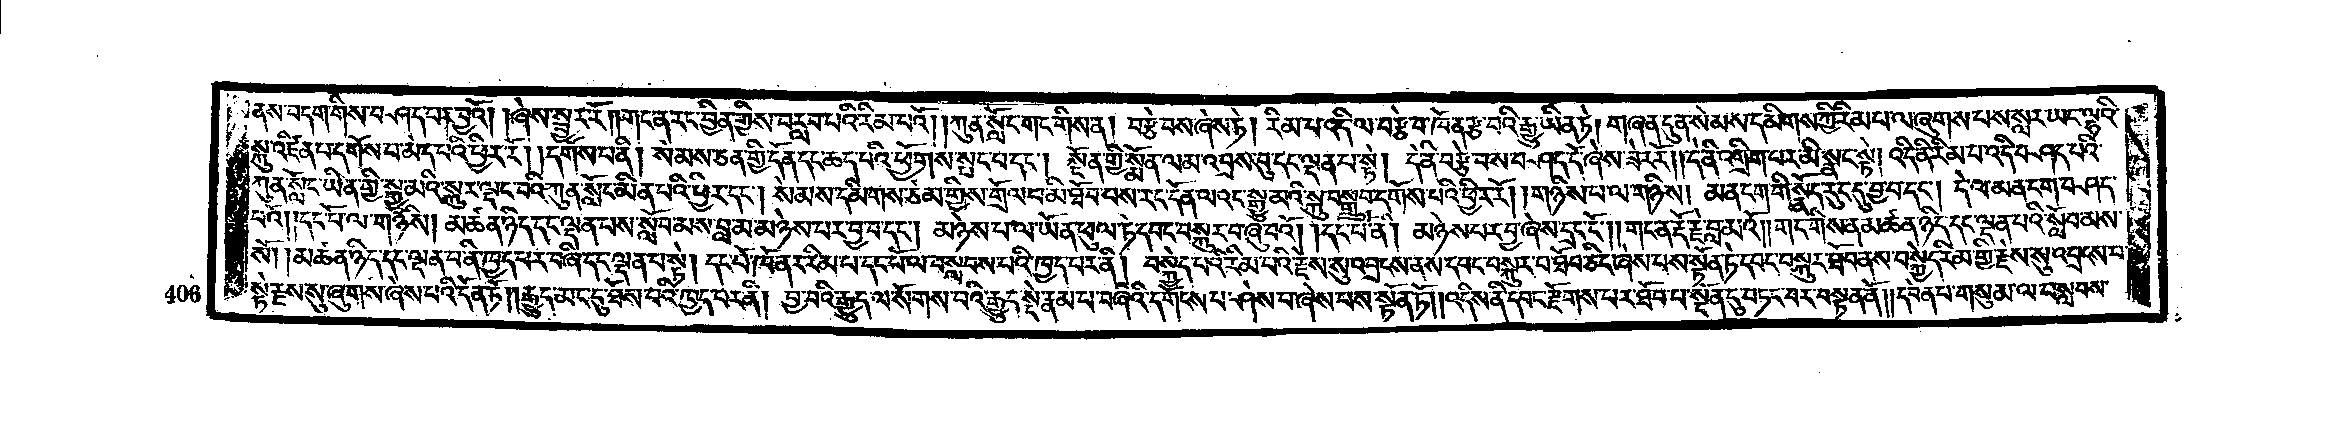ནས་བདག་གིས་བཤད་པར་བྱའོ། །ཞེས་སྦྱར་རོ། །གང་ན་རང་བྱིན་གྱིས་བརླབ་པའི་རིམ་པའོ། །ཀུན་སློང་གང་གིས་ན། བརྩེ་བས་ཞེས་ཏེ། རིམ་པ་འདི་ལ་བརྩེ་བ་ཁོ་ན་རྩ་བའི་རྒྱུ་ཡིན་ཏེ། གཞན་དུ་ན་སེམས་དམིགས་ཀྱི་རིམ་པ་ལ་ཞུགས་པས་སླར་ཡང་ལྷའི་
སྐུ་འཛིན་པ་དགོས་པ་མེད་པའི་ཕྱིར་རོ། །དགོས་པ་ནི། སེམས་ཅན་གྱི་དོན་དང་ཆད་པའི་ཕྱོགས་སྤང་པ་དང་། སྔོན་གྱི་སྨོན་ལམ་འབྲས་བུ་དང་ལྡན་པ་སྟེ། དེ་ནི་བརྩེ་བས་བཤད་དོ་ཞེས་ཟེར་རོ། །དེ་ནི་འགྲིག་པར་མི་སྣང་སྟེ། འདི་ནི་རིམ་པ་འདི་བཤད་པའི་
ཀུན་སློང་ཡིན་གྱི་སྒྱུ་མའི་སྐུར་ལྡང་བའི་ཀུན་སློང་མིན་པའི་ཕྱིར་དང་། སེམས་དམིགས་ཙམ་གྱིས་གྲོལ་བ་མི་ཐོབ་པས་རང་དོན་ལའང་སྒྱུ་མའི་སྐུ་བསྒྲུབ་དགོས་པའི་ཕྱིར་རོ། །གཉིས་པ་ལ་གཉིས། མན་ངག་གི་སྣོད་རུང་དུ་བྱ་བ་དང་། དེ་ལ་མན་ངག་བཤད་
པའོ། །དང་པོ་ལ་གཉིས། མཚན་ཉིད་དང་ལྡན་པས་སློབ་མས་བླ་མ་མཉེས་པར་བྱ་བ་དང་། མཉེས་པ་ལ་ཡོན་ཕུལ་ཏེ་དབང་བསྐུར་བ་ཞུ་བའོ། །དང་པོ་ནི། མཉེས་པར་བྱ་ཞེས་དྲང་ངོ། །གང་ན་རྡོ་རྗེ་བླ་མའོ། །གང་གིས་ན་མཚན་ཉིད་དང་ལྡན་པའི་སློབ་མས་
སོ། །མཚན་ཉིད་དང་ལྡན་པ་ནི་ཁྱད་པར་བཞི་དང་ལྡན་པ་སྟེ། དང་པོ་ཁོ་ནར་རིམ་པ་དང་པོ་ལ་བསླབས་པའི་ཁྱད་པར་ནི། བསྐྱེད་པའི་རིམ་པའི་རྗེས་སུ་འབྲངས་ནས་དབང་བསྐུར་བ་ཐོབ་ཅིང་ཞེས་པས་སྟོན་ཏེ་དབང་བསྐུར་ཐོབ་ནས་བསྐྱེད་རིམ་གྱི་རྗེས་སུ་འབྲངས་པ་
སྟེ་རྗེས་སུ་ཞུགས་ཞེས་པའི་དོན་ཏོ། །རྒྱུད་མང་དུ་ཐོས་པའི་ཁྱད་པར་ནི། བྱ་བའི་རྒྱུད་ལ་སོགས་པའི་རྒྱུད་སྡེ་རྣམ་པ་བཞིའི་དགོངས་པ་ཤེས་པ་ཞེས་པས་སྟོན་ཏོ། །འདིས་ནི་དབང་རྫོགས་པར་ཐོབ་པ་སྔོན་དུ་བཏང་བར་བསྟན་ནོ། །དབེན་པ་གསུམ་ལ་བསླབས་